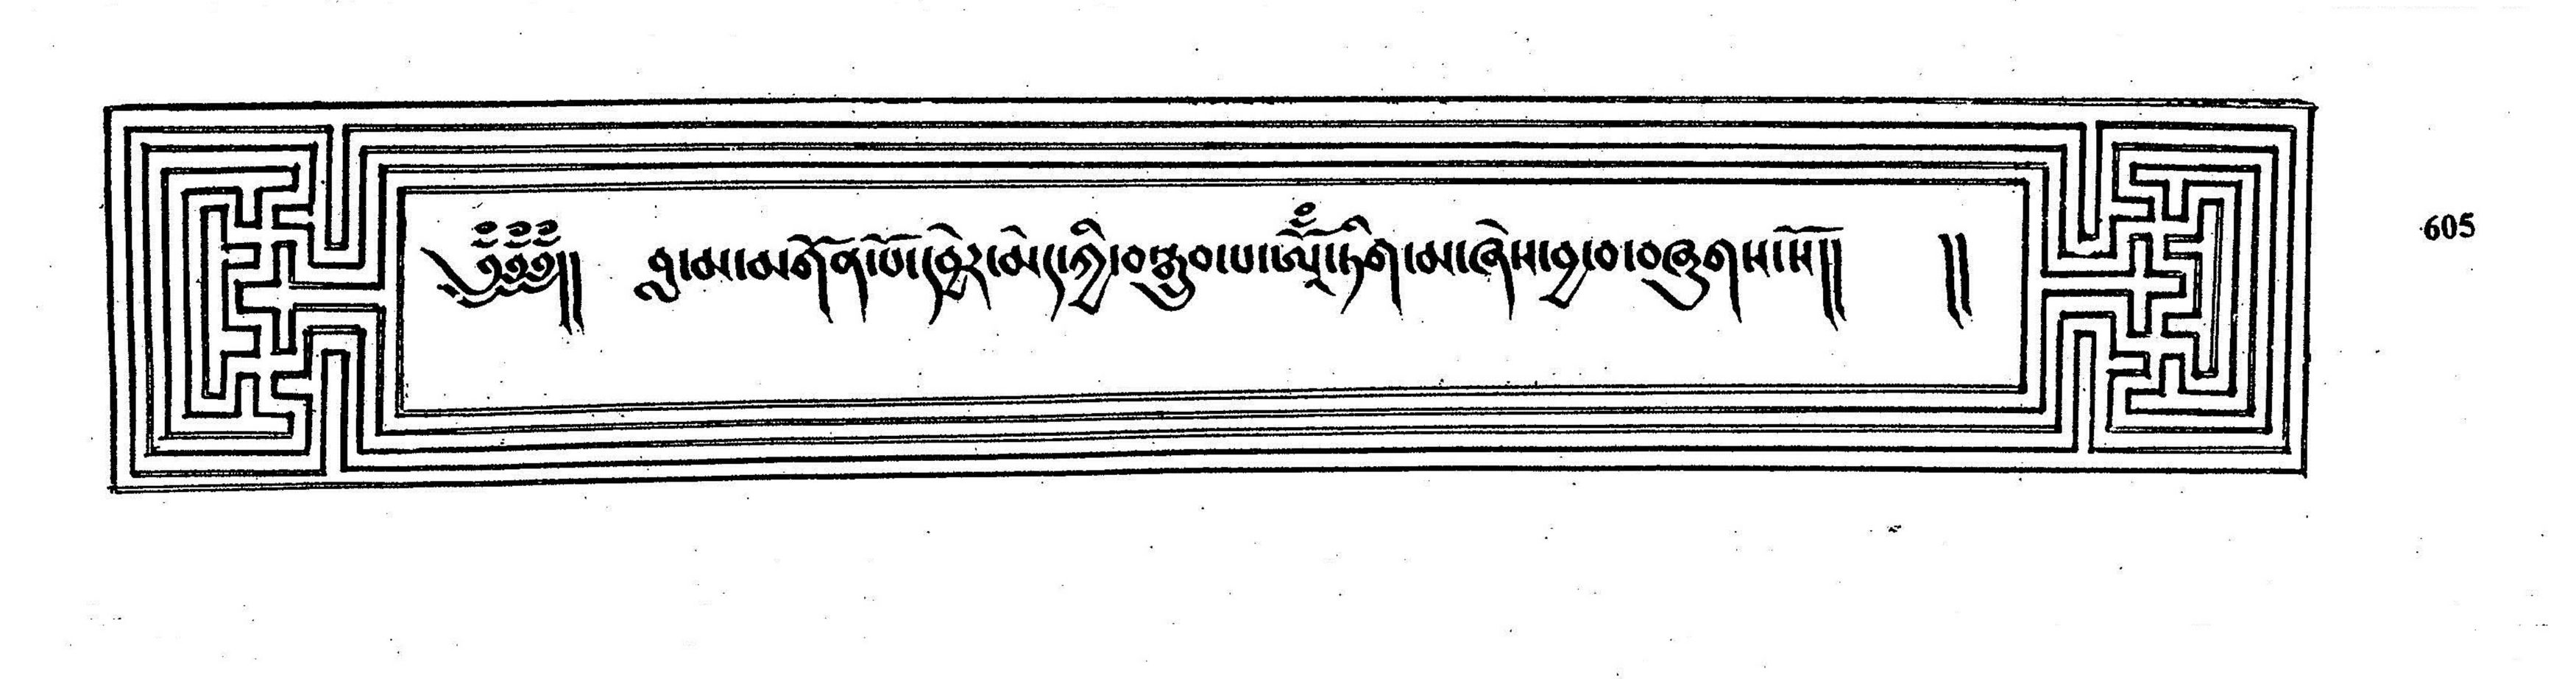༄༅༅།། བླ་མ་མགོན་པོ་དབྱེར་མེད་ཀྱི་བསྒྲུབ་པ་ཨཱོཾ་ཏིག་མ་ཞེས་བྱ་བ་བཞུགས་སོ།། །།